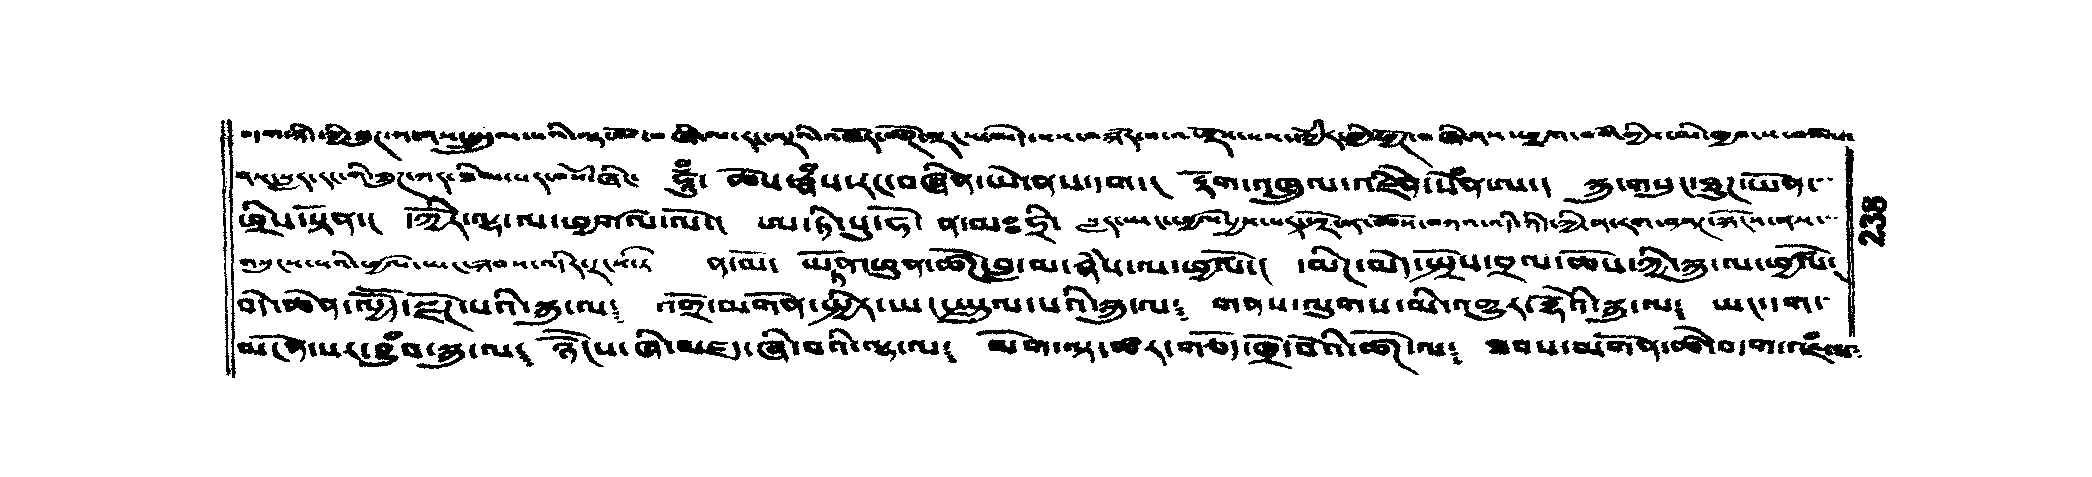བདག་ཉིད་ཀྱི་ཐུགས་ཀ་ནས་སྤྲུལ་པའི་ལྷ་ཚོགས་བཞི་ལ་རང་འདྲའི་འཁོར་ཚོགས་གྲངས་མེད་པས་བསྐོར་བ་འཕྲོས་པས་དཀྱིལ་འཁོར་གྱི་ཕྱོགས་བཞི་ནས་ཕྱག་བམས་གྱིས་མི་ཁྱབ་པ་བཙལ་
ནས་སླར་རང་གི་ཐུགས་ཀར་ཐིམ་པར་བསམ་ཞིང་། ཧཱུྃ། ཆོས་རྣམས་རང་བཞིན་ཡེ་ནས་དག་རྟོག་འཁྲུལ་འཇིག་རྟེན་སེམས་ཅན་ལ། །སྐུ་གསུང་ཐུགས་ཡོན་
ཕྲིན་ལས་སྟོན། །དཀྱིལ་འཁོར་ལྷ་ལ་ཕྱག་འཚལ་ལོ། །ཨ་ཏི་པུ་ཧོ། ན་མཿཧྲི། སླར་ཡང་ཕྱག་འཚལ་རྒྱས་པར་སྤྲོ་ན་ཆོས་བཀའ་འདི་ཉིད་བ་རག་བཤགས་སྐོངས་ནས་
གསུངས་པའི་ཕྱག་འཚལ་ཡང་སྐབས་འདིར་དྲངས་ཏེ། ན་མོ། ཡོན་ཏན་ཕུན་ཚོགས་བླ་མ་རྣམས་ལ་ཕྱག་འཚལ་ལོ། །དམིགས་མེད་སྤྲོས་བྲལ་ཆོས་ཀྱི་སྐུ་ལ་ཕྱག་འཚལ་ལོ། །
བདེ་ཆེན་ལོངས་སྤྱོད་རྫོགས་པའི་སྐུ་ལ་ཕྱག་འཚལ་ལོ། །འགྲོ་མགོན་སྤྱིར་ཡང་སྤྲུལ་པའི་སྐུ་ལ་ཕྱག་འཚལ་སྐུ་ལ་༴གནས་ལུགས་མི་འགྱུར་རྡོ་རྗེའི་སྐུ་ལ་༴ ཡང་དག་
མངོན་པར་བྱང་ཆུབ་སྐུ་ལ་༴ ཉོན་མོངས་ཞི་བྱེད་ཞི་བའི་ལྷ་ལ་༴ ལོག་ལྟ་ཚར་གཅོད་ཁྲོ་བོའི་ཚོགས་ལ་༴ ཐབས་མགོན་ཚེ་བདག་འཇམ་དཔལ་